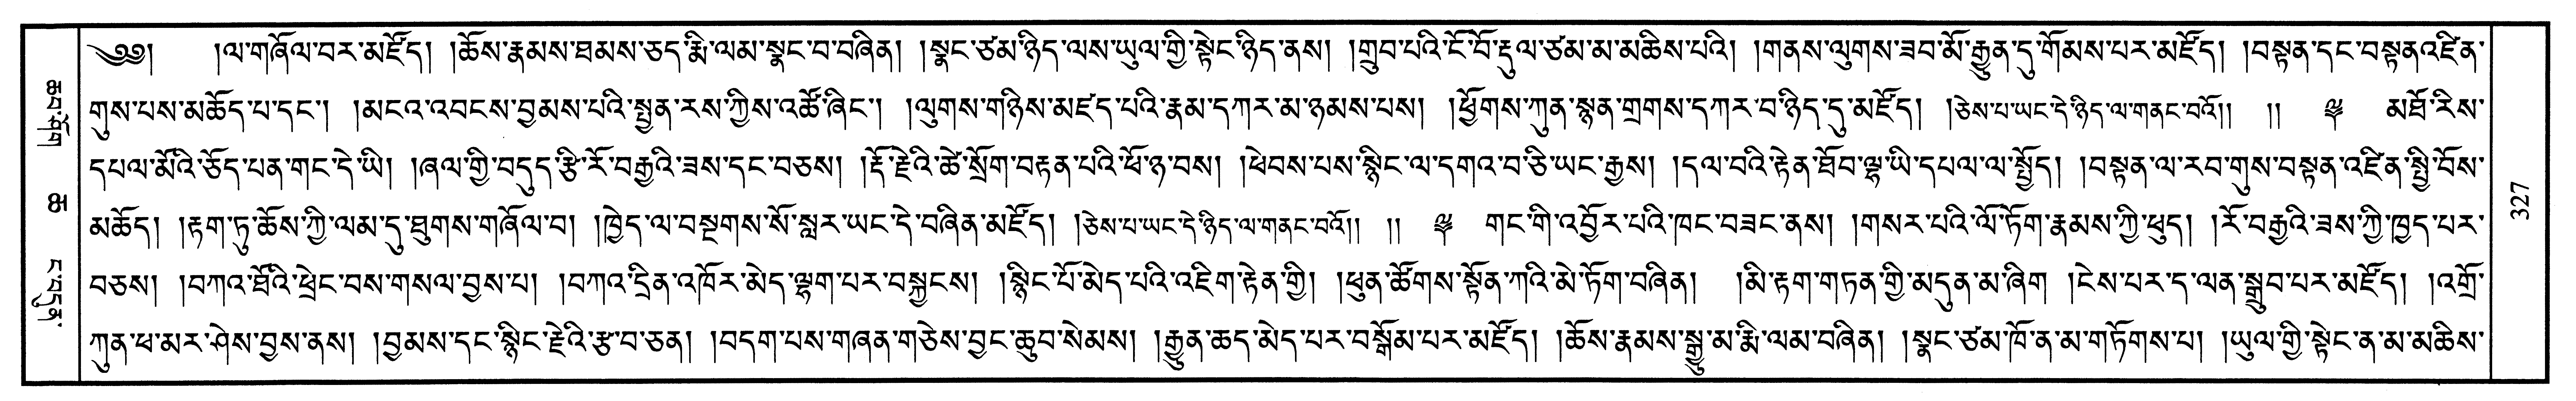༄༅། །ལ་གཞོལ་བར་མཛོད། །ཆོས་རྣམས་ཐམས་ཅད་རྨི་ལམ་སྣང་བ་བཞིན། །སྣང་ཙམ་ཉིད་ལས་ཡུལ་གྱི་སྟེང་ཉིད་ནས། །གྲུབ་པའི་ངོ་བོ་རྡུལ་ཙམ་མ་མཆིས་པའི། །གནས་ལུགས་ཟབ་མོ་རྒྱུན་དུ་གོམས་པར་མཛོད། །བསྟན་དང་བསྟན་འཛིན་
གུས་པས་མཆོད་པ་དང་། །མངའ་འབངས་བྱམས་པའི་སྤྱན་རས་ཀྱིས་འཚོ་ཞིང་། །ལུགས་གཉིས་མཛད་པའི་རྣམ་དཀར་མ་ཉམས་པས། །ཕྱོགས་ཀུན་སྙན་གྲགས་དཀར་བ་ཉིད་དུ་མཛོད། །ཅེས་པ་ཡང་དེ་ཉིད་ལ་གནང་བའོ།། །། ༈ མཐོ་རིས་
དཔལ་མོའི་ཅོད་པན་གང་དེ་ཡི། །ཞལ་གྱི་བདུད་རྩི་རོ་བརྒྱའི་ཟས་དང་བཅས། །རྡོ་རྗེའི་ཚེ་སྲོག་བརྟན་པའི་ཕོ་ཉ་བས། །ཕེབས་པས་སྙིང་ལ་དགའ་བ་ཅི་ཡང་རྒྱས། །དལ་བའི་རྟེན་ཐོབ་ལྷ་ཡི་དཔལ་ལ་སྤྱོད། །བསྟན་ལ་རབ་གུས་བསྟན་འཛིན་སྤྱི་བོས་
མཆོད། །རྟག་ཏུ་ཆོས་ཀྱི་ལམ་དུ་ཐུགས་གཞོལ་བ། །ཁྱེད་ལ་བསྔགས་སོ་སླར་ཡང་དེ་བཞིན་མཛོད། །ཅེས་པ་ཡང་དེ་ཉིད་ལ་གནང་བའོ།། །། ༈ གང་གི་འབྱོར་པའི་ཁང་བཟང་ནས། །གསར་པའི་ལོ་ཏོག་རྣམས་ཀྱི་ཕུད། །རོ་བརྒྱའི་ཟས་ཀྱི་ཁྱད་པར་
བཅས། །བཀའ་ཐོའི་ཕྲེང་བས་གསལ་བྱས་པ། །བཀའ་དྲིན་འཁོར་མེད་ལྷག་པར་བསྐྱངས། །སྙིང་པོ་མེད་པའི་འཇིག་རྟེན་གྱི། །ཕུན་ཚོགས་སྟོན་ཀའི་མེ་ཏོག་བཞིན། །མི་རྟག་གཏན་གྱི་མདུན་མ་ཞིག །ངེས་པར་ད་ལན་སྒྲུབ་པར་མཛོད། །འགྲོ་
ཀུན་ཕ་མར་ཤེས་བྱས་ནས། །བྱམས་དང་སྙིང་རྗེའི་རྩ་བ་ཅན། །བདག་པས་གཞན་གཅེས་བྱང་ཆུབ་སེམས། །རྒྱུན་ཆད་མེད་པར་བསྒོམ་པར་མཛོད། །ཆོས་རྣམས་སྒྱུ་མ་རྨི་ལམ་བཞིན། །སྣང་ཙམ་ཁོ་ན་མ་གཏོགས་པ། །ཡུལ་གྱི་སྟེང་ན་མ་མཆིས་